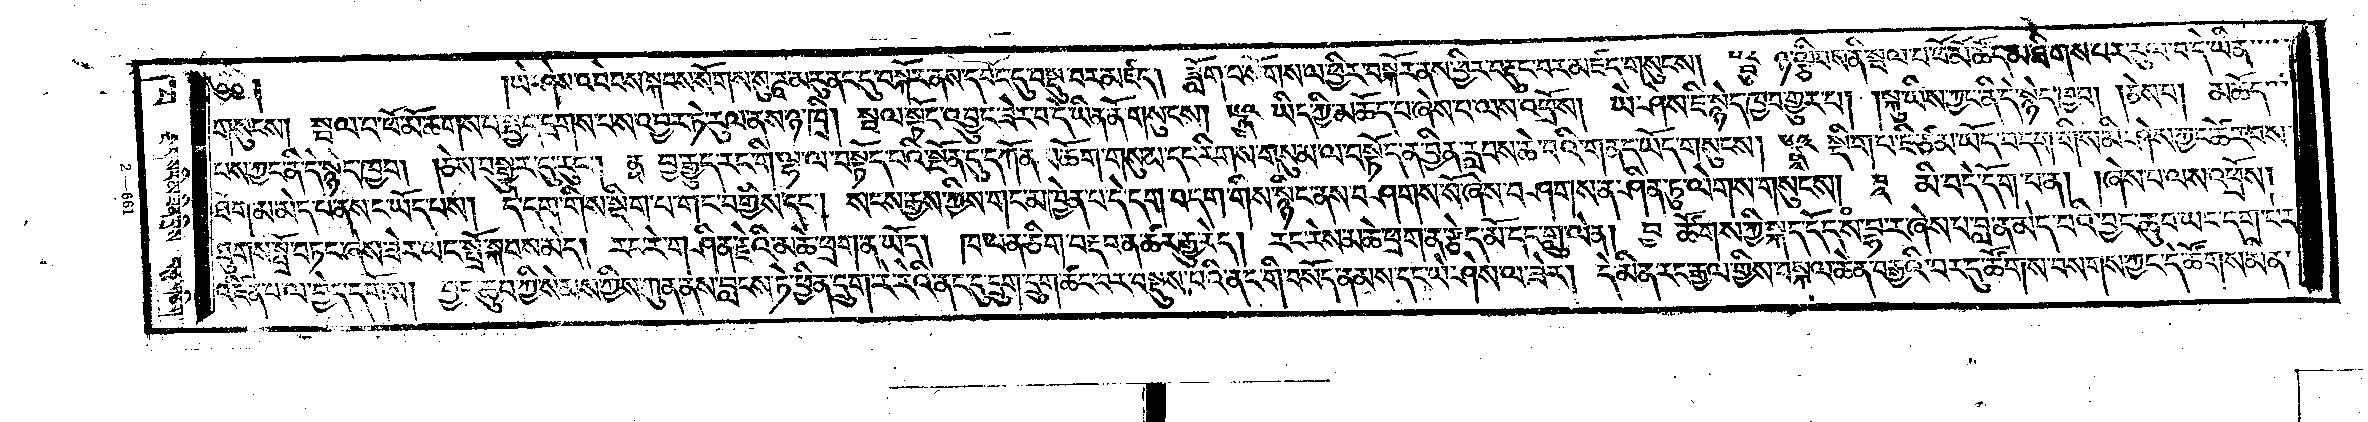༄༅། །ཡེ་ཤེས་འབེབས་སྐབས་སོགས་སུ་ཌཱ་མ་རུ་ནང་དུ་བེ་སྐོར་ནས་དབང་དུ་བསྡུ་བར་མཛད། ཟློག་པ་སོགས་ལ་ཕྱིར་བསྐོར་ནས་ཕྱིར་བརྡུང་བར་མཛད་གསུངས། ༥༨བ༦་ཉ་ལྕིབས་ནི་སྦལ་པ་ཕོ་མོ་ཚོད་མ་ཐིགས་པར་རུལ་བ་དེ་ཡིན་
གསུངས། སྦལ་པ་ཕོ་མོ་ཆགས་པ་སྤྱད་དྲགས་པས་འབྱར་ཏེ་རུལ་ནས་ཉ་ཁྲི། སྦལ་སྟོང་འབྱུང་ཟེར་བ་དེ་ཡིན་ནོ་གསུངས། ༦༢ན༤་ཡིད་ཀྱི་མཆོད་པ་ཞེས་པ་ལས་འཕྲོས། ཡེ་ཤེས་ཇི་སྙེད་ཁྱབ་གྱུར་པ། །སྐུ་ཡིས་ཀྱང་ནི་དེ་སྙེད་ཁྱབ། །ཅེས་པ། མཆོད་
པས་ཀྱང་ནི་དེ་སྙེད་ཁྱབ། །ཅེས་བསྒྱུར་དུ་རུང་། ན༥་བྱ་རྒྱུད་རང་གི་ལྷ་ལ་བསྟོད་པའི་སྔོན་དུ་དཀོན་མཆོག་གསུམ་དང་རིགས་གསུམ་ལ་བསྟོད་ན་བྱིན་རླབས་ཆེ་བའི་གནད་ཡོད་གསུངས། ༣ན༢་སྡིག་པ་ཇི་ཙམ་ཡོད་བདག་གིས་མི་ཤེས་ཀྱང་ཚེ་རབས་
ཐོག་མ་མེད་པ་ནས་ང་ཡོད་པས། དེ་དག་གིས་སྡིག་པ་གང་བགྱིས་དང་། སངས་རྒྱས་ཀྱིས་གང་མཁྱེན་པ་དེ་དག་བདག་གིས་སྙིང་ནས་བཤགས་སོ་ཞེས་བཤགས་ན་ཤིན་ཏུ་ལེགས་གསུངས། བ༢་མི་བདེ་དོག་པ་ན། །ཞེས་པ་ལས་འཕྲོས།
ཐུགས་སྤྲོ་བཏང་ཞེས་ཟེར་ཡང་སྤྲོ་སྐབས་མེད། རང་རེ་གཤིན་རྗེའི་མཆེ་ཕྲག་ན་ཡོད། ཁ་ལན་ཅིག་བརྡབ་ན་ཚར་རྒྱུ་རེད། རང་རེས་མཆེ་ཕྲག་ན་རྩེད་མོ་དང་གླུ་ལེན། བ༤་ཚོགས་ཀྱི་སྐད་དོད་སཾ་བྷ་ར་ཞེས་པ་བླ་ན་མེད་པའི་བྱང་ཆུབ་ཡང་དག་པར་
འཛིན་པ་ལ་བྱེད་དགོས། བྱང་ཆུབ་ཀྱི་སེམས་ཀྱིས་ཀུན་ནས་བླངས་ཏེ་ཕྱིན་དྲུག་རེ་རེའི་ནང་དུ་དྲུག་དྲུག་ཚང་བར་བསྡུས་པའི་ནང་གི་བསོད་ནམས་དང་ཡེ་ཤེས་ལ་ཟེར། དེ་མིན་རང་རྒྱལ་གྱིས་བསྐལ་ཆེན་བརྒྱའི་བར་དུ་ཚོགས་བསགས་ཀྱང་དེ་ཚོགས་མིན་